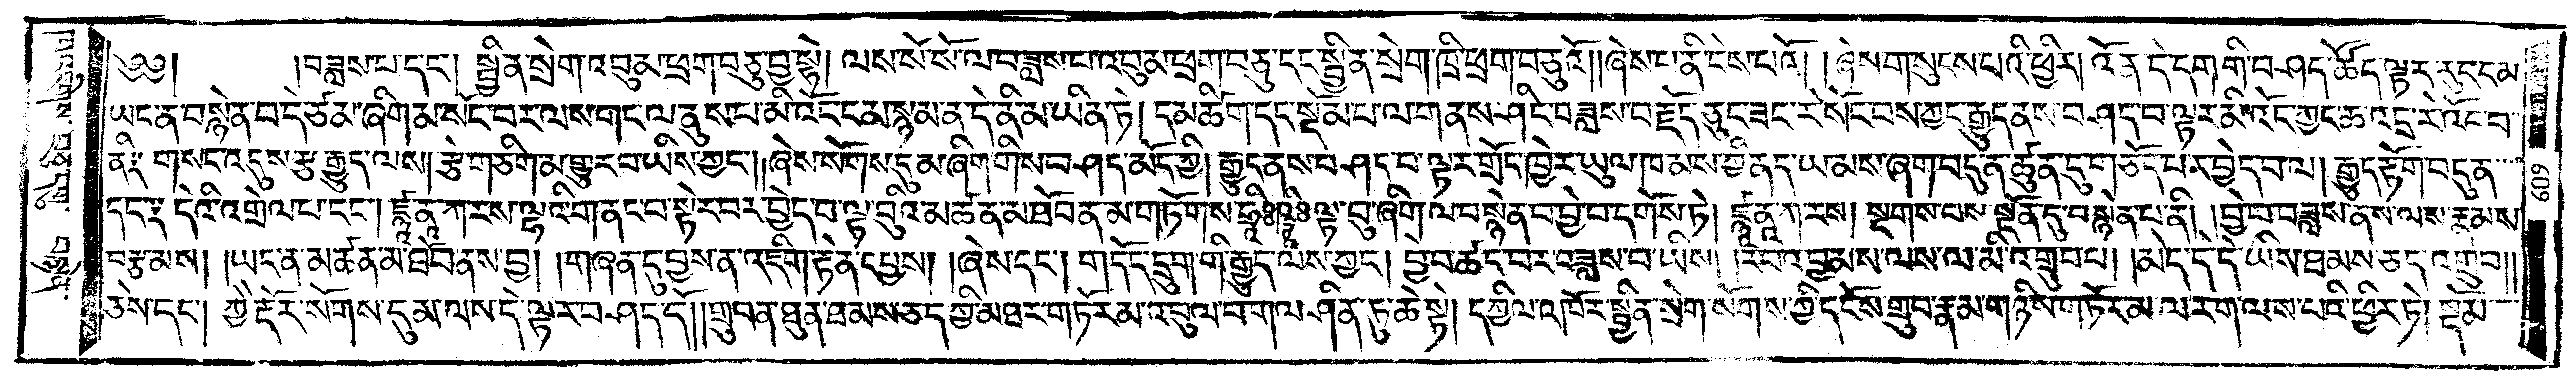༄༅། །བཟླས་པ་དང་། སྦྱིན་སྲེག་འབུམ་ཕྲག་བཅུ་བྱ་སྟེ། ལས་སོ་སོ་ལ་བཟླས་པ་འབུམ་ཕྲག་བཅུ་དང་སྦྱིན་སྲེག་ཁྲི་ཕྲག་བཅུའོ། །ཞེས་པ་ནི་ངེས་པའོ། །ཞེས་གསུངས་པའི་ཕྱིར། འོན་དེ་དག་གི་བཤད་ཚོད་ལྟར་རུང་ངམ་
ཡང་ན་བསྙེན་བ་དེ་ཙམ་ཞིག་མ་སོང་བར་ལས་གང་ལ་ནུས་པ་མི་འོང་ངམ་སྙམ་ན་དེ་ནི་མ་ཡིན་ཏེ། དམ་ཚིག་དང་སྡོམ་པ་ལ་གནས་ཤིང་བཟླས་བརྗོད་ཅུང་ཟད་རེ་སོང་བས་ཀྱང་རྒྱུད་ནས་བཤད་པ་ལྟར་མི་འོང་ཀྱང་ཆ་འདྲ་རེ་འོང་བ་
ནི༑ གསང་འདུས་རྩ་རྒྱུད་ལས། རྩེ་གཅིག་མ་གྱུར་བ་ཡིས་ཀྱང་། །ཞེས་སོགས་དུ་མ་ཞིག་གིས་བཤད་མོད་ཀྱི། རྒྱུད་ནས་བཤད་པ་ལྟར་གྲོང་ཁྱེར་ཡུལ་ཁམས་གྱི་ནད་ཡ་མས་ཞག་བདུན་ཚུན་དུ་གཅོད་པར་བྱེད་བ་ལ། རྒྱུད་རྟོག་བདུན་
དང༑ དེའི་འགྲེལ་པ་དང་། ཛྙཱ་ནཱ་ཀ་རས་ལྷའི་གནང་བ་སྟེར་བར་བྱེད་བ་ལྟ་བུའི་མཚན་མ་ཐོབ་ན་མ་གཏོགས་ཧྲཱིཿཥྚཱིཿལྟ་བུ་ཞིག་ལ་བསྙེན་བ་བྱེ་བ་དགོས་ཏེ། ཛྙཱ་ནཱ་ཀ་རས། སྔགས་པས་སྔོན་དུ་བསྙེན་པ་ནི། །བྱེ་བ་བཟླས་ནས་ལས་རྣམས་
བརྩམས། །ཡང་ན་མཚན་མ་ཐོབ་ནས་བྱ། །གཞན་དུ་བྱས་ན་འཇིག་རྟེན་དཔྱས། །ཞེས་དང་། གདོད་དྲུག་གི་རྒྱུད་ལས་ཀྱང་། བྱེ་བ་ཚང་བར་བཟླས་བ་ཡིས། །རབ་འབྱམས་ལས་ལ་མི་འགྲུབ་པ། །མེད་དེ་དེ་ཡིས་ཐམས་ཅད་འགྲུབ།།
ཅེས་དང་། ཀྱཻ་རྡོར་སོགས་དུ་མ་ལས་དེ་ལྟར་བཤད་དོ། །གྲུབ་ན་ཐུན་ཐམས་ཅད་ཀྱི་མཐར་གཏོར་མ་འབུལ་བ་གལ་ཤིན་ཏུ་ཆེ་སྟེ། དཀྱིལ་འཁོར་སྦྱིན་སྲེག་སོགས་ཀྱི་དངོས་གྲུབ་རྣམ་གཉིས་གཏོར་མ་ལ་རག་ལས་པའི་ཕྱིར་ཏེ། སྡོམ་